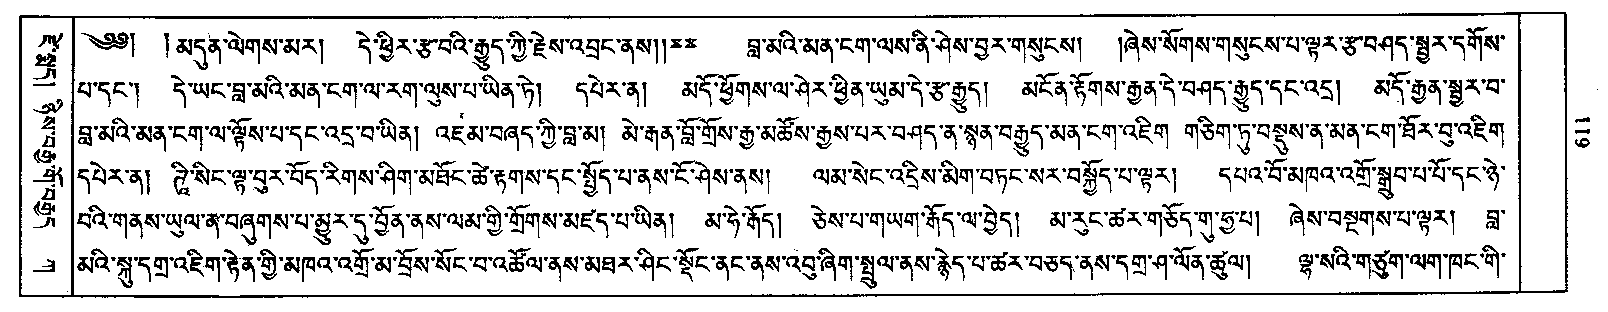༄༅། །མདུན་ལེགས་མར། དེ་ཕྱིར་རྩ་བའི་རྒྱུད་ཀྱི་རྗེས་འབྲང་ནས།། ྾་྾་བླ་མའི་མན་ངག་ལས་ནི་ཤེས་བྱར་གསུངས། །ཞེས་སོགས་གསུངས་པ་ལྟར་རྩ་བཤད་སྦྱར་དགོས་
པ་དང་། དེ་ཡང་བླ་མའི་མན་ངག་ལ་རག་ལུས་པ་ཡིན་ཏེ། དཔེར་ན། མདོ་ཕྱོགས་ལ་ཤེར་ཕྱིན་ཡུམ་དེ་རྩ་རྒྱུད། མངོན་རྟོགས་རྒྱན་དེ་བཤད་རྒྱུད་དང་འདྲ། མདོ་རྒྱན་སྦྱར་བ་
བླ་མའི་མན་ངག་ལ་ལྟོས་པ་དང་འདྲ་བ་ཡིན། འཇམ་བཞད་ཀྱི་བླ་མ། མེ་རྒན་བློ་གྲོས་རྒྱ་མཚོས་རྒྱས་པར་བཤད་ན་སྙན་བརྒྱུད་མན་ངག་འཇིག་གཅིག་ཏུ་བསྡུས་ན་མན་ངག་ཐོར་བུ་འཇིག་
དཔེར་ན། ཊཱི་སིང་ལྟ་བུར་བོད་རིགས་ཤིག་མཐོང་ཚེ་རྟགས་དང་སྤྱོད་པ་ནས་ངོ་ཤེས་ནས། ལམ་སེང་འདྲིས་མིག་བཏང་སར་བསྐྱོད་པ་ལྟར། དཔའ་བོ་མཁའ་འགྲོ་སྒྲུབ་པ་པོ་དང་ཉེ་
བའི་གནས་ཡུལ་ན་བཞུགས་པ་མྱུར་དུ་བྱོན་ནས་ལམ་གྱི་གྲོགས་མཛད་པ་ཡིན། མ་ཧེ་རྒོད། ཅེས་པ་གཡག་རྒོད་ལ་བྱེད། མ་རུང་ཚར་གཅོད་གུ་ཧྱ་པ། ཞེས་བསྔགས་པ་ལྟར། བླ་
མའི་སྐུ་དགྲ་འཇིག་རྟེན་གྱི་མཁའ་འགྲོ་མ་བྲོས་སོང་བ་འཚོལ་ནས་མཐར་ཤིང་སྡོང་ནང་ནས་འབུ་ཞིག་སྤྲུལ་ནས་རྙེད་པ་ཚར་བཅད་ནས་དགྲ་ཤ་ལོན་ཚུལ། ལྷ་སའི་གཙུག་ལག་ཁང་གི་